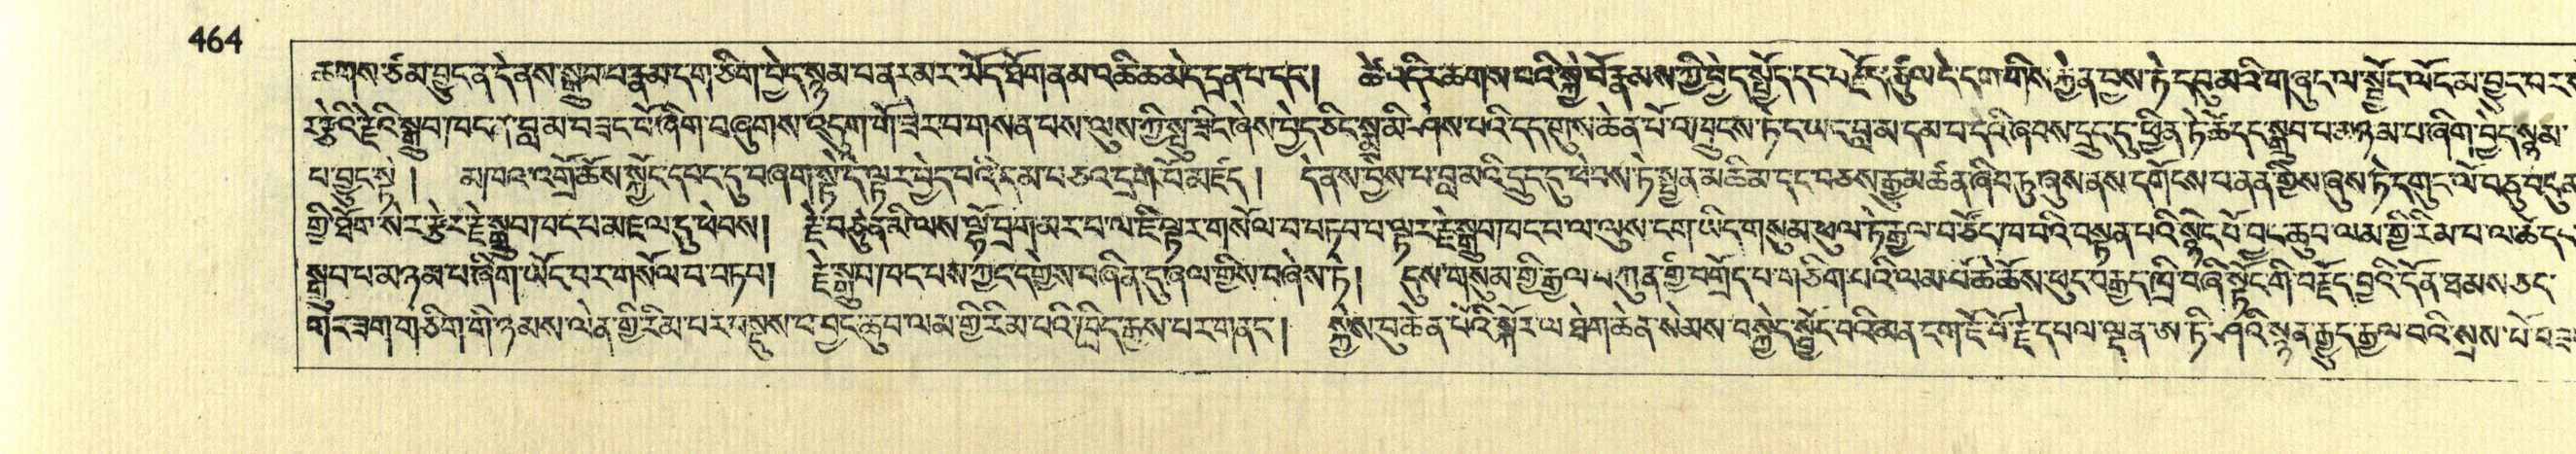ཆགས་ཙམ་བྱུང་ན་དེ་ནས་སྒྲུབ་བ་རྣམ་དག་ཅིག་བྱེད་སྙམ་པ་ནར་མར་ཡོད་ཐོག་ནམ་འཆི་ཆ་མེད་དྲན་པ་དང་། ཚེ་འདིར་ཆགས་པའི་སྐྱེ་བོ་རྣམས་ཀྱི་བྱེད་སྤྱོད་དང་བརྗོད་ཚུལ་དེ་དག་གིས་རྐྱེན་བྱས་ཏེ་དབུ་མའི་གཞུང་ལ་སྦྱོང་ལོང་མ་བྱུང་བར་སེ་
ར་རྩེའི་རྗེའི་སྒྲུབ་ཁང་ན་བླ་མ་བཟང་པོ་ཞིག་བཞུགས་འདུག་གོ་ཟེར་བ་གསན་པས་ལུས་ཀྱི་སྤུ་ཟིང་ཞེས་བྱེད་ཅིང་སྨྲ་མི་ཤེས་པའི་དད་གུས་ཆེན་པོ་འཁྲུངས་ཏེ་ང་ཡང་བླ་མ་དམ་བ་དེའི་ཞབས་དྲུང་དུ་ཕྱིན་ཏེ་ཚེ་དང་སྒྲུབ་པ་མཉམ་པ་ཞིག་བྱེད་སྙམ་
པ་བྱུང་སྟེ། མཁའ་འགྲོ་ཆོས་སྐྱོང་དབང་དུ་བཞག་སྟེ་དེ་ལྟར་བྱེད་པའི་དམ་བཅའ་དྲག་པོ་མཛད། དེ་ནས་བྱེས་པ་བླ་མའི་དྲུང་དུ་ཕེབས་ཏེ་སྤྱན་མཆི་མ་དང་བཅས་རྒྱུ་མཚན་ཞིབ་ཏུ་ཞུས་ནས་དགོངས་པ་ནན་གྱིས་ཞུས་ཏེ་དགུང་ལོ་བཅུ་བདུན་
གྱི་ཐོག་སེར་རྩེར་རྗེ་སྒྲུབ་ཁང་པ་མཇལ་དུ་ཕེབས། རྗེ་བཙུན་མི་ལས་ལྷོ་བྲག་མར་བ་ལ་ཇི་ལྟར་གསོལ་བ་བཏབ་བ་ལྟར་རྗེ་སྒྲུབ་ཁང་པ་ལ་ལུས་ངག་ཡིད་གསུམ་ཕུལ་ཏེ་རྒྱལ་བ་ཙོང་ཁ་བའི་བསྟན་པའི་སྙིང་པོ་བྱང་ཆུབ་ལམ་གྱི་རིམ་པ་ལ་ཚེ་དང་
སྒྲུབ་པ་མཉམ་པ་ཞིག་ཡོང་བར་གསོལ་བ་བཏབ། རྗེ་སྒྲུབ་ཁང་པས་ཀྱང་དགྱེས་བཞིན་དུ་ཞལ་གྱིས་བཞེས་ཏེ། དུས་གསུམ་གྱི་རྒྱལ་བ་ཀུན་གྱི་བགྲོད་པ་གཅིག་པའི་ལམ་པོ་ཆེ་ཆོས་ཕུང་བརྒྱད་ཁྲི་ཨུབཞི་སྟོང་གི་བརྗོད་བྱའི་དོན་ཐམས་ཅད་
གང་ཟག་གཅིག་གི་ཉམས་ལེན་གྱི་རིམ་པར་བསྡུས་པ་བྱང་ཆུམ་ལམ་གྱི་རིམ་པའི་ཁྲིད་རྒྱས་པར་གནང་། སྐྱེས་བུ་ཆེན་པོའི་སྐོར་ལ་ཐེག་ཆེན་སེམས་བསྐྱེད་སྦྱོང་བའི་མན་ངག་ཇོ་བོ་རྗེ་དཔལ་ལྡན་ཨ་ཏི་ཤའི་སྙན་རྒྱུད་རྒྱལ་བའི་སྲས་པོ་བཟང་